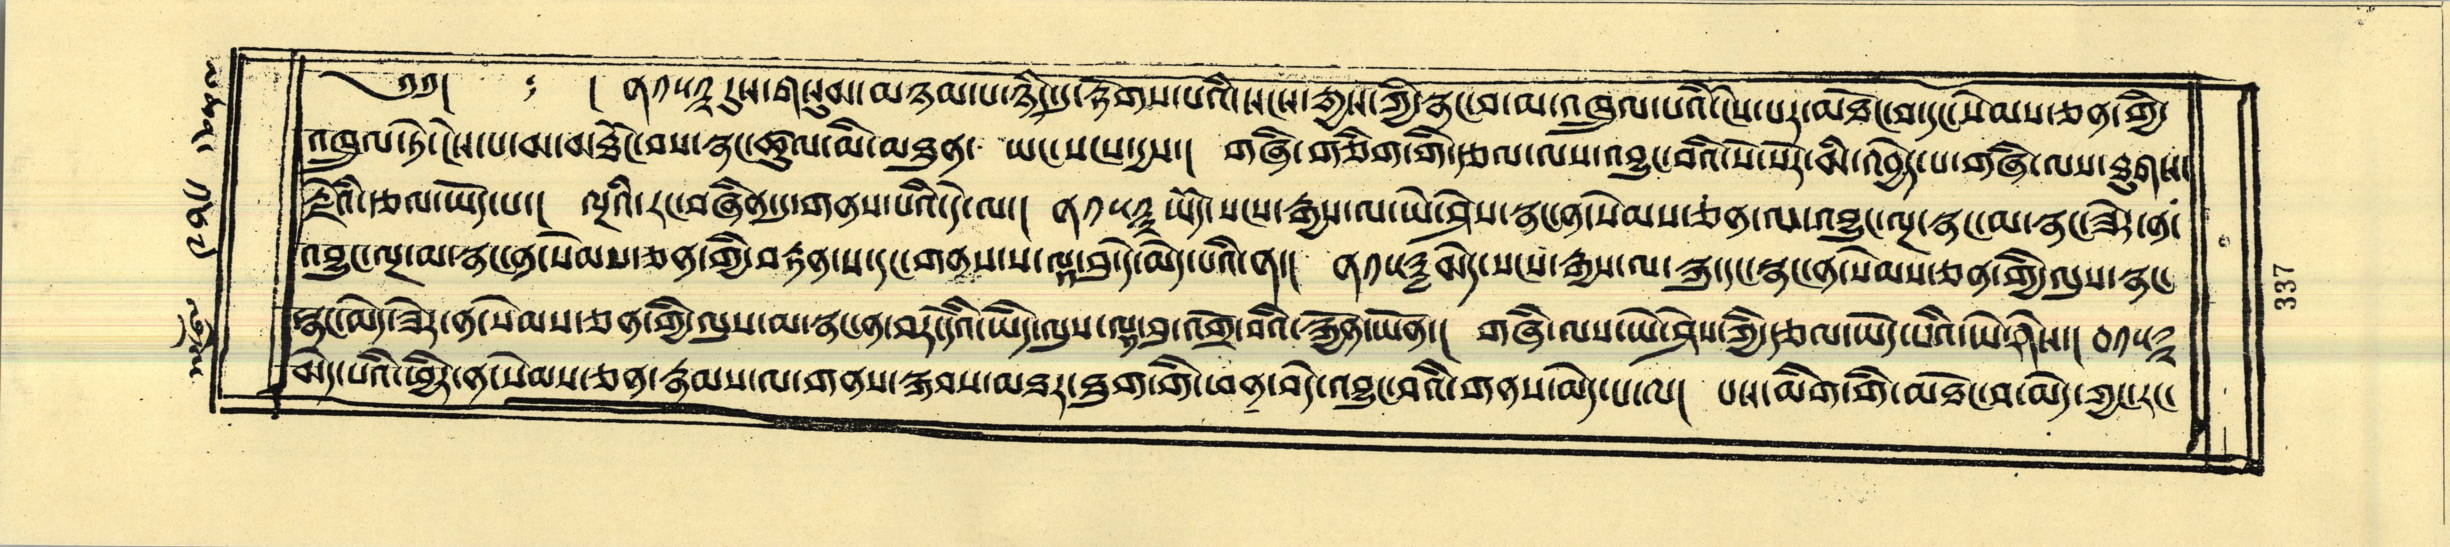ན༡༥༡།༢ དུས་གསུམ་མཉམ་པ་ཉིད་དུ་རྟོགས་པའི་སངས་རྒྱས་ཀྱི་སྣང་བ་མ་འཁྲུལ་པའི་ངེས་པར་མཐོང་བ་དང་སེམས་ཅན་གྱི་
འཁྲུལ་ཏེ་ངེས་པ་མ་མཐོང་བས་སྣང་ཚུལ་མི་མཐུན་ ཡང་སངས་རྒྱས། གཞི་གཅིག་གི་རྩལ་ལས་འབྱུང་བའི་སོ་སོར་མི་འབྱེད་པ་གཞི་ལས་ཐུགས་
རྗེའི་རྩལ་ཡོད་པ། ༼ལྔའི་༽རང་བཞིན་དུ་གནས་པའི་དེ་ལ། ན༡༥༡།༣ ༼ཡོད་༽སངས་རྒྱས་ལ་ཡེ་ཤེས་སྣང་ན་སེམས་ཅན་ལ་འབྱུང་ལྔ་སྣང་མ་སྣང་ཟེར་ན་
འབྱུང་ལྔ་མ་སྣང་ན་སེམས་ཅན་གྱི་བརྟན་ས་དང་གནས་ས་ལྟ་བུ་དེ་མེད་པའི་ ༼ན།༽ན༡༥༣།༤ མེད་སངས་རྒྱས་ལ་སྐུ་དང་སྣང་ན་སེམས་ཅན་གྱི་ལུས་སྣང་
སྣང་མེད་ཟེར་ན་སེམས་ཅན་གྱི་ལུས་མ་སྣང་ན་བར་དོའི་ཡིད་ལུས་ལྟ་བུ་འགྲོ་བའི་སྐྱོན་ཡོན། གཞི་ལས་ཡེ་ཤེས་ཀྱི་རྩལ་ཡོད་པའི་ ༼ཡེ་ཤེས།༽བ༡༥༡།༢ 
མེད་པའི་ཕྱིར་ན་སེམས་ཅན་རྣམས་ལ་གནས་སྐབས་མཐར་ཐུག་གི་ཕན་བདེ་འབྱུང་བའི་གནས་མེད་པ་ ༼ལ།༽ ༼པས་༽མིག་གི་མཐོང་བ་མེད་ཀྱང་རང་